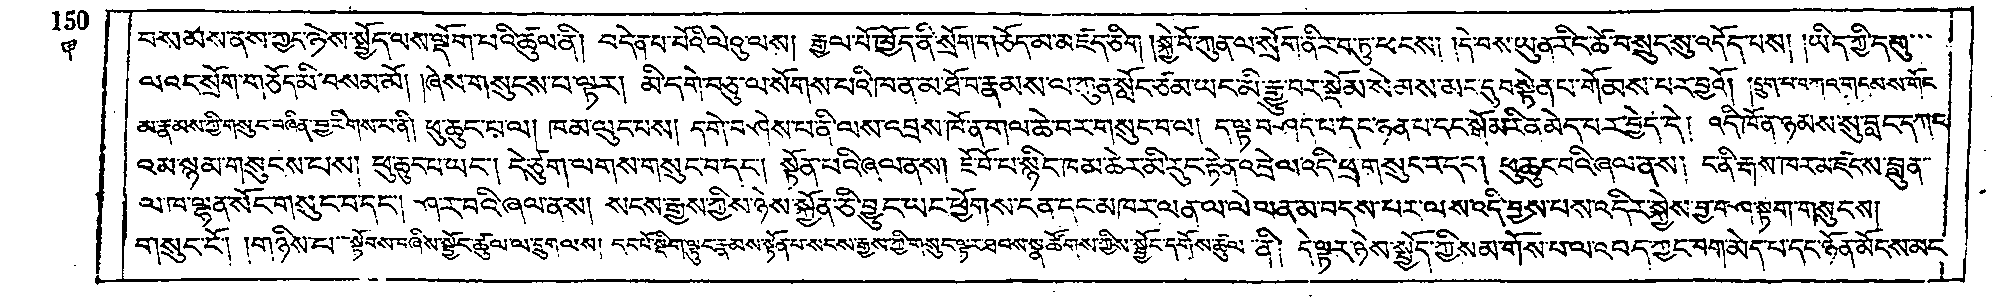བསམས་ནས་ཀྱང་ཉེས་སྤྱོད་ལས་ལྡོག་པའི་ཚུལ་ནི། བདེན་པ་པོའི་ལེའུ་ལས། རྒྱལ་པོ་ཁྱོད་ནི་སྲོག་གཅོད་མ་མཛད་ཅིག །སྐྱེ་བོ་ཀུན་ལ་སྲོག་ནི་རབ་ཏུ་ཕངས། །དེ་བས་ཡུན་རིང་ཚེ་བསྲུང་སུ་འདོད་པས། །ཡིད་ཀྱི་དགུ་
ལའང་སྲོག་གཅོད་མི་བསམ་མོ། །ཞེས་གསུངས་པ་ལྟར། མི་དགེ་བཅུ་ལ་སོགས་པའི་ཁ་ན་མ་ཐོ་བ་རྣམས་ལ་ཀུན་སློང་ཙམ་ཡང་མི་རྒྱུ་བར་སྡོམ་སེམས་མང་དུ་བསྟེན་པ་གོམས་པར་བྱའོ། །དྲུག་པ་བཀའ་གདམས་གོང་
མ་རྣམས་ཀྱི་གསུང་བཞིན་བྱ་རིགས་པ་ནི། ཕུ་ཆུང་པ་ལ། ཁམ་ལུང་པས། དགེ་བཤེས་པ་ནི་ལས་འབྲས་ཁོ་ན་གལ་ཆེ་བར་གསུང་བ་ལ། ད་ལྟ་བཤད་པ་དང་ཉན་པ་དང་སྒོམ་རིན་མེད་པར་བྱེད་དེ། འདི་ཁོ་ན་ཉམས་སུ་བླང་དཀའ་
འམ་སྙམ་གསུངས་པས། ཕུ་ཆུང་པ་ཡང་། དེ་ཙུག་ལགས་གསུང་བ་དང་། སྟོན་པའི་ཞལ་ནས། ཇོ་བོ་པ་སྙིང་ཁམ་ཆེར་མི་རུང་རྟེན་འབྲེལ་འདི་ཕྲ་གསུང་བ་དང་། ཕུ་ཆུང་བའི་ཞལ་ནས། ང་ནི་རྒས་ཁར་མཛངས་བླུན་
ལ་ཁ་ལྷན་སོང་གསུང་བ་དང་། ཤ་ར་བའི་ཞལ་ནས། སངས་རྒྱས་ཀྱིས་ཉེས་སྐྱོན་ཅི་བྱུང་ཡང་ཕྱོགས་ངན་དང་མཁར་ལན་ལ་ལེ་ལན་མ་བདས་པར་ལས་འདི་བྱས་པས་འདིར་སྐྱེས་བྱ་བ་ཤ་སྟག་གསུངས།
གསུང་ངོ། །གཉིས་པསྟོབས་བཞིས་སྦྱོང་ཚུལ་ལ་དྲུག་ལས། དང་པོ་སྡིག་ལྟུང་རྣམས་སྟོན་པ་སངས་རྒྱས་ཀྱི་གསུང་ལྟར་ཐབས་སྣ་ཚོགས་ཀྱིས་སྦྱོང་དགོས་ཚུལ་ནི། དེ་ལྟར་ཉེས་སྤྱོད་ཀྱིས་མ་གོས་པ་ལ་འབད་ཀྱང་བག་མེད་པ་དང་ཉོན་མོངས་མང་